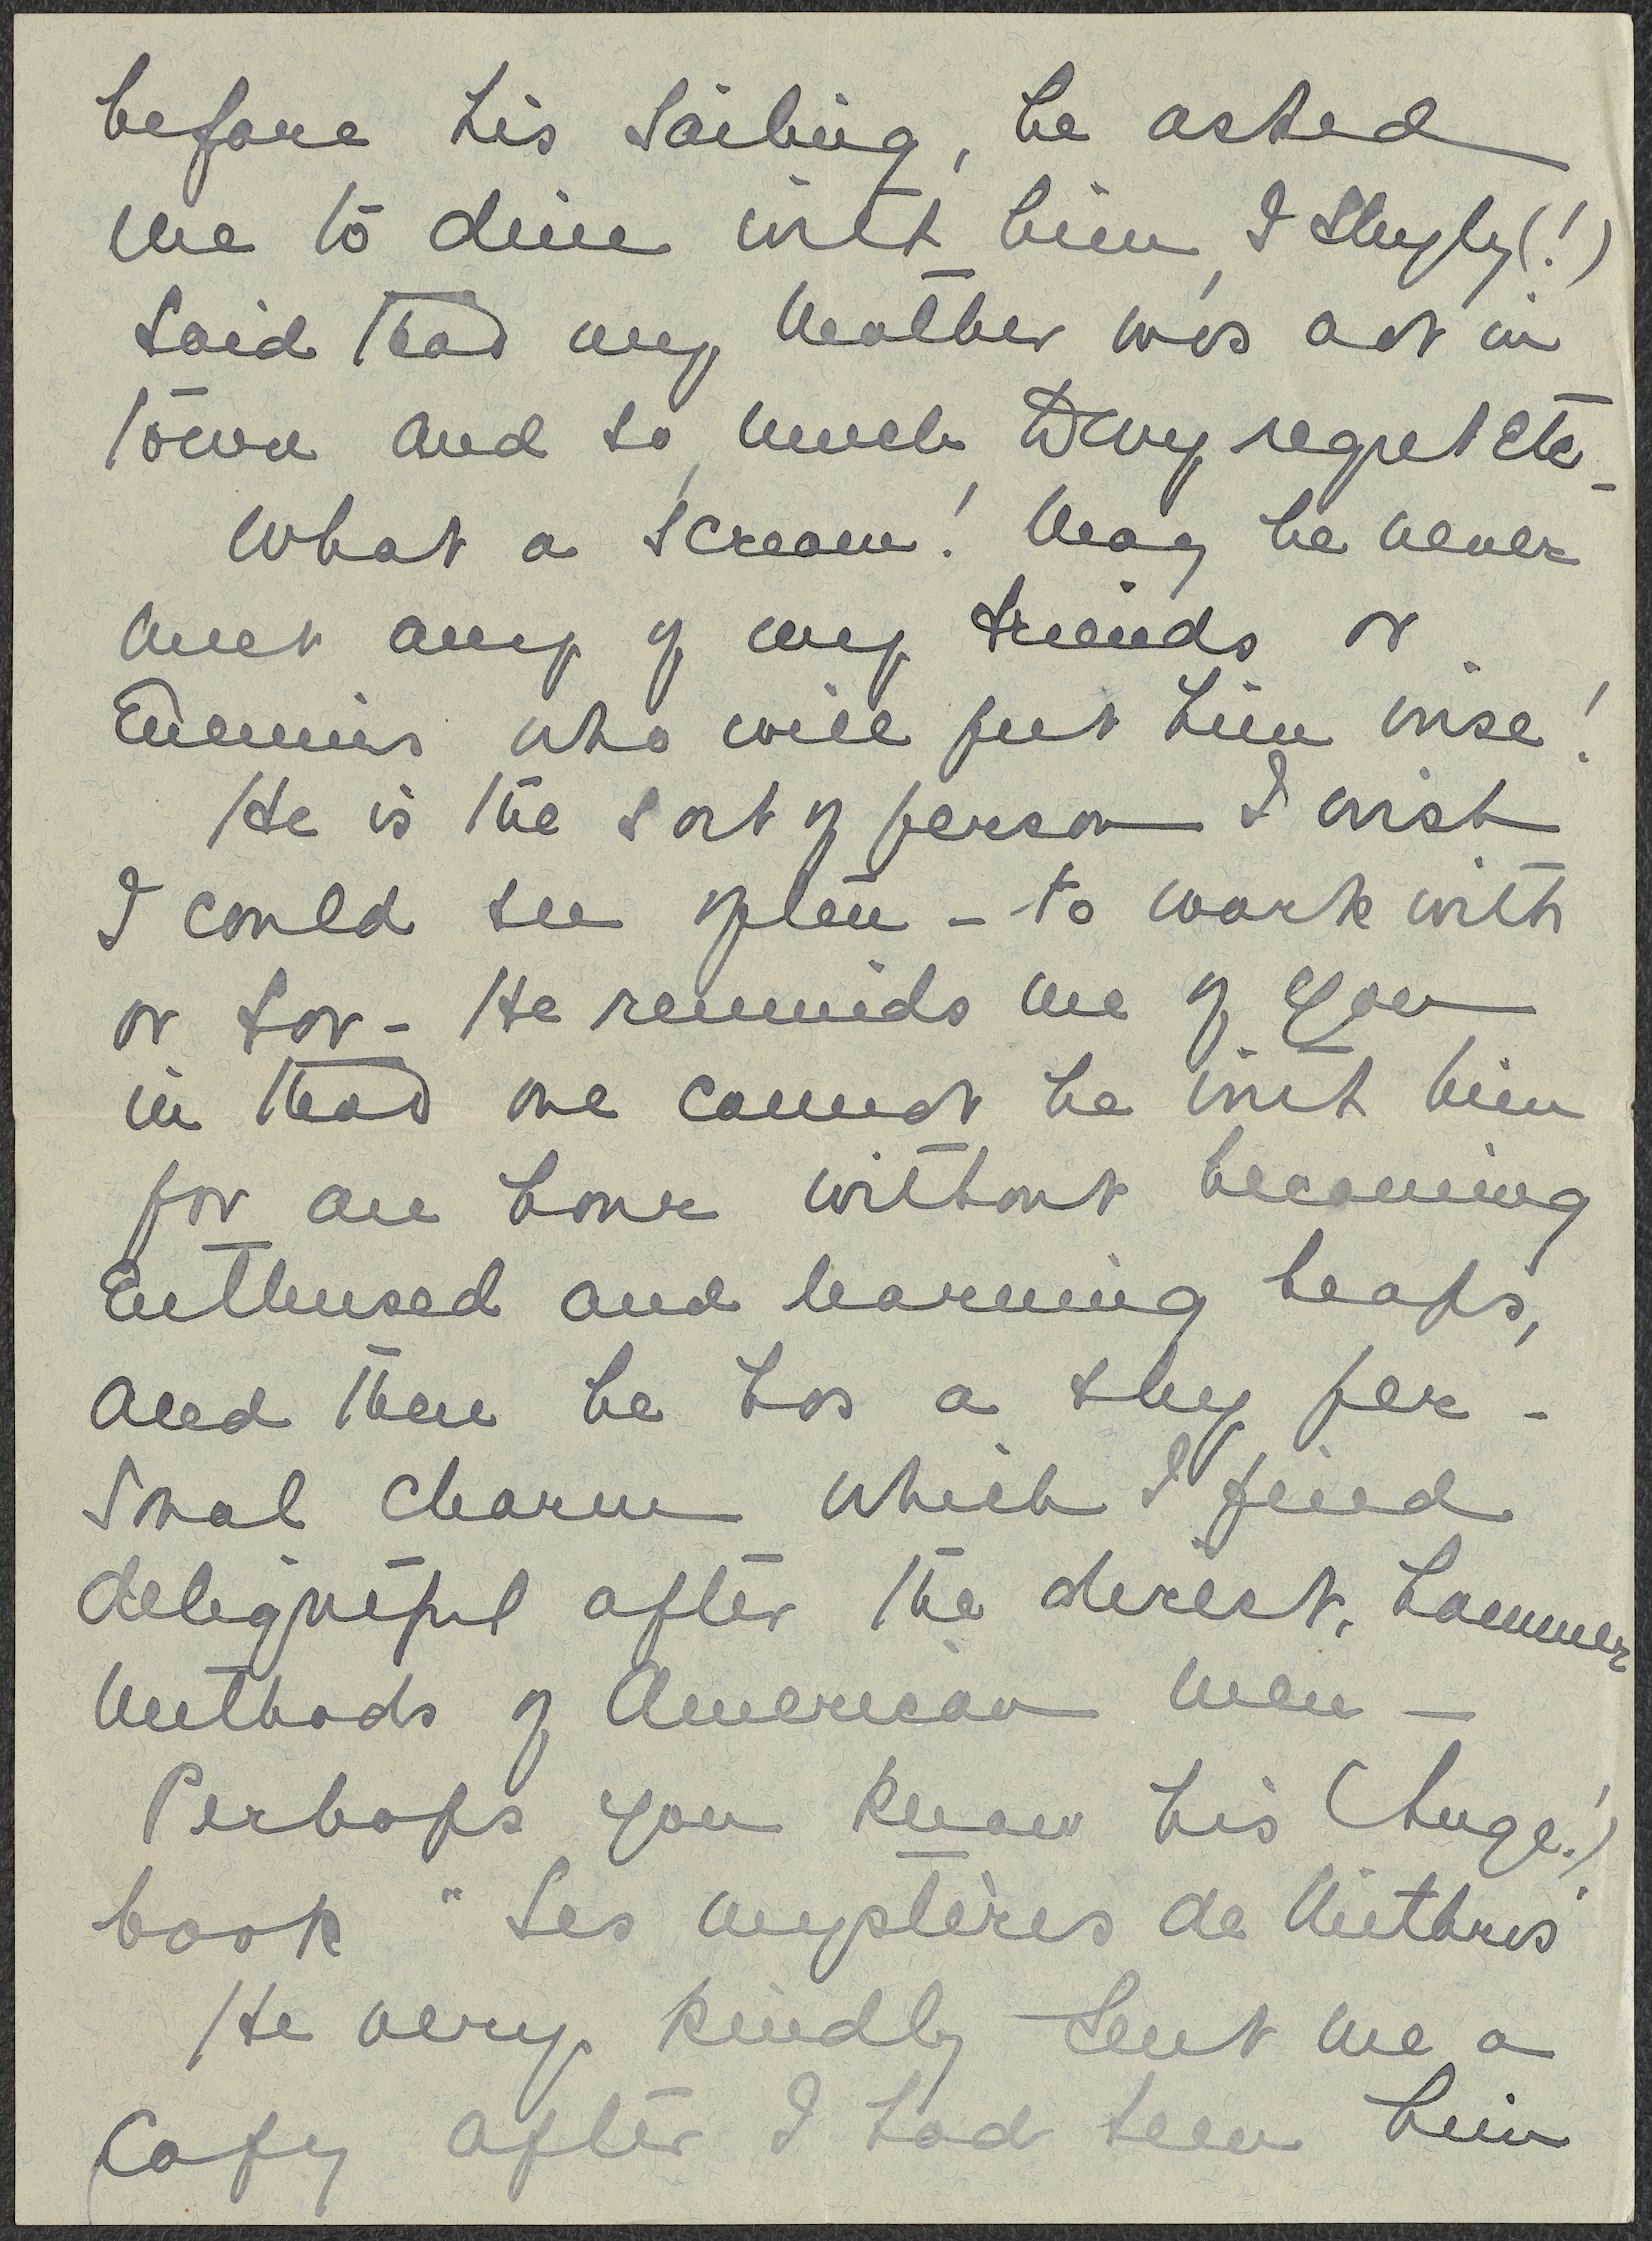before his sailing, he asked me to dine with him, I shyly (!) said that my mother was not in town and so much to my regret etc –
What a scream! May he never meet any of my friends or enemies who will put him wise!
He is the sort of person I wish I could see often – to work with or for – He reminds me of you in that one cannot be with him for an hour without becoming enthused and learning heaps, and then he has a shy personal charm which I find delightful after the direst, hammer methods of American men – Perhaps you know his (huge!) book “Les Mystères de Mithras” He very kindly sent me a copy after I had seen him